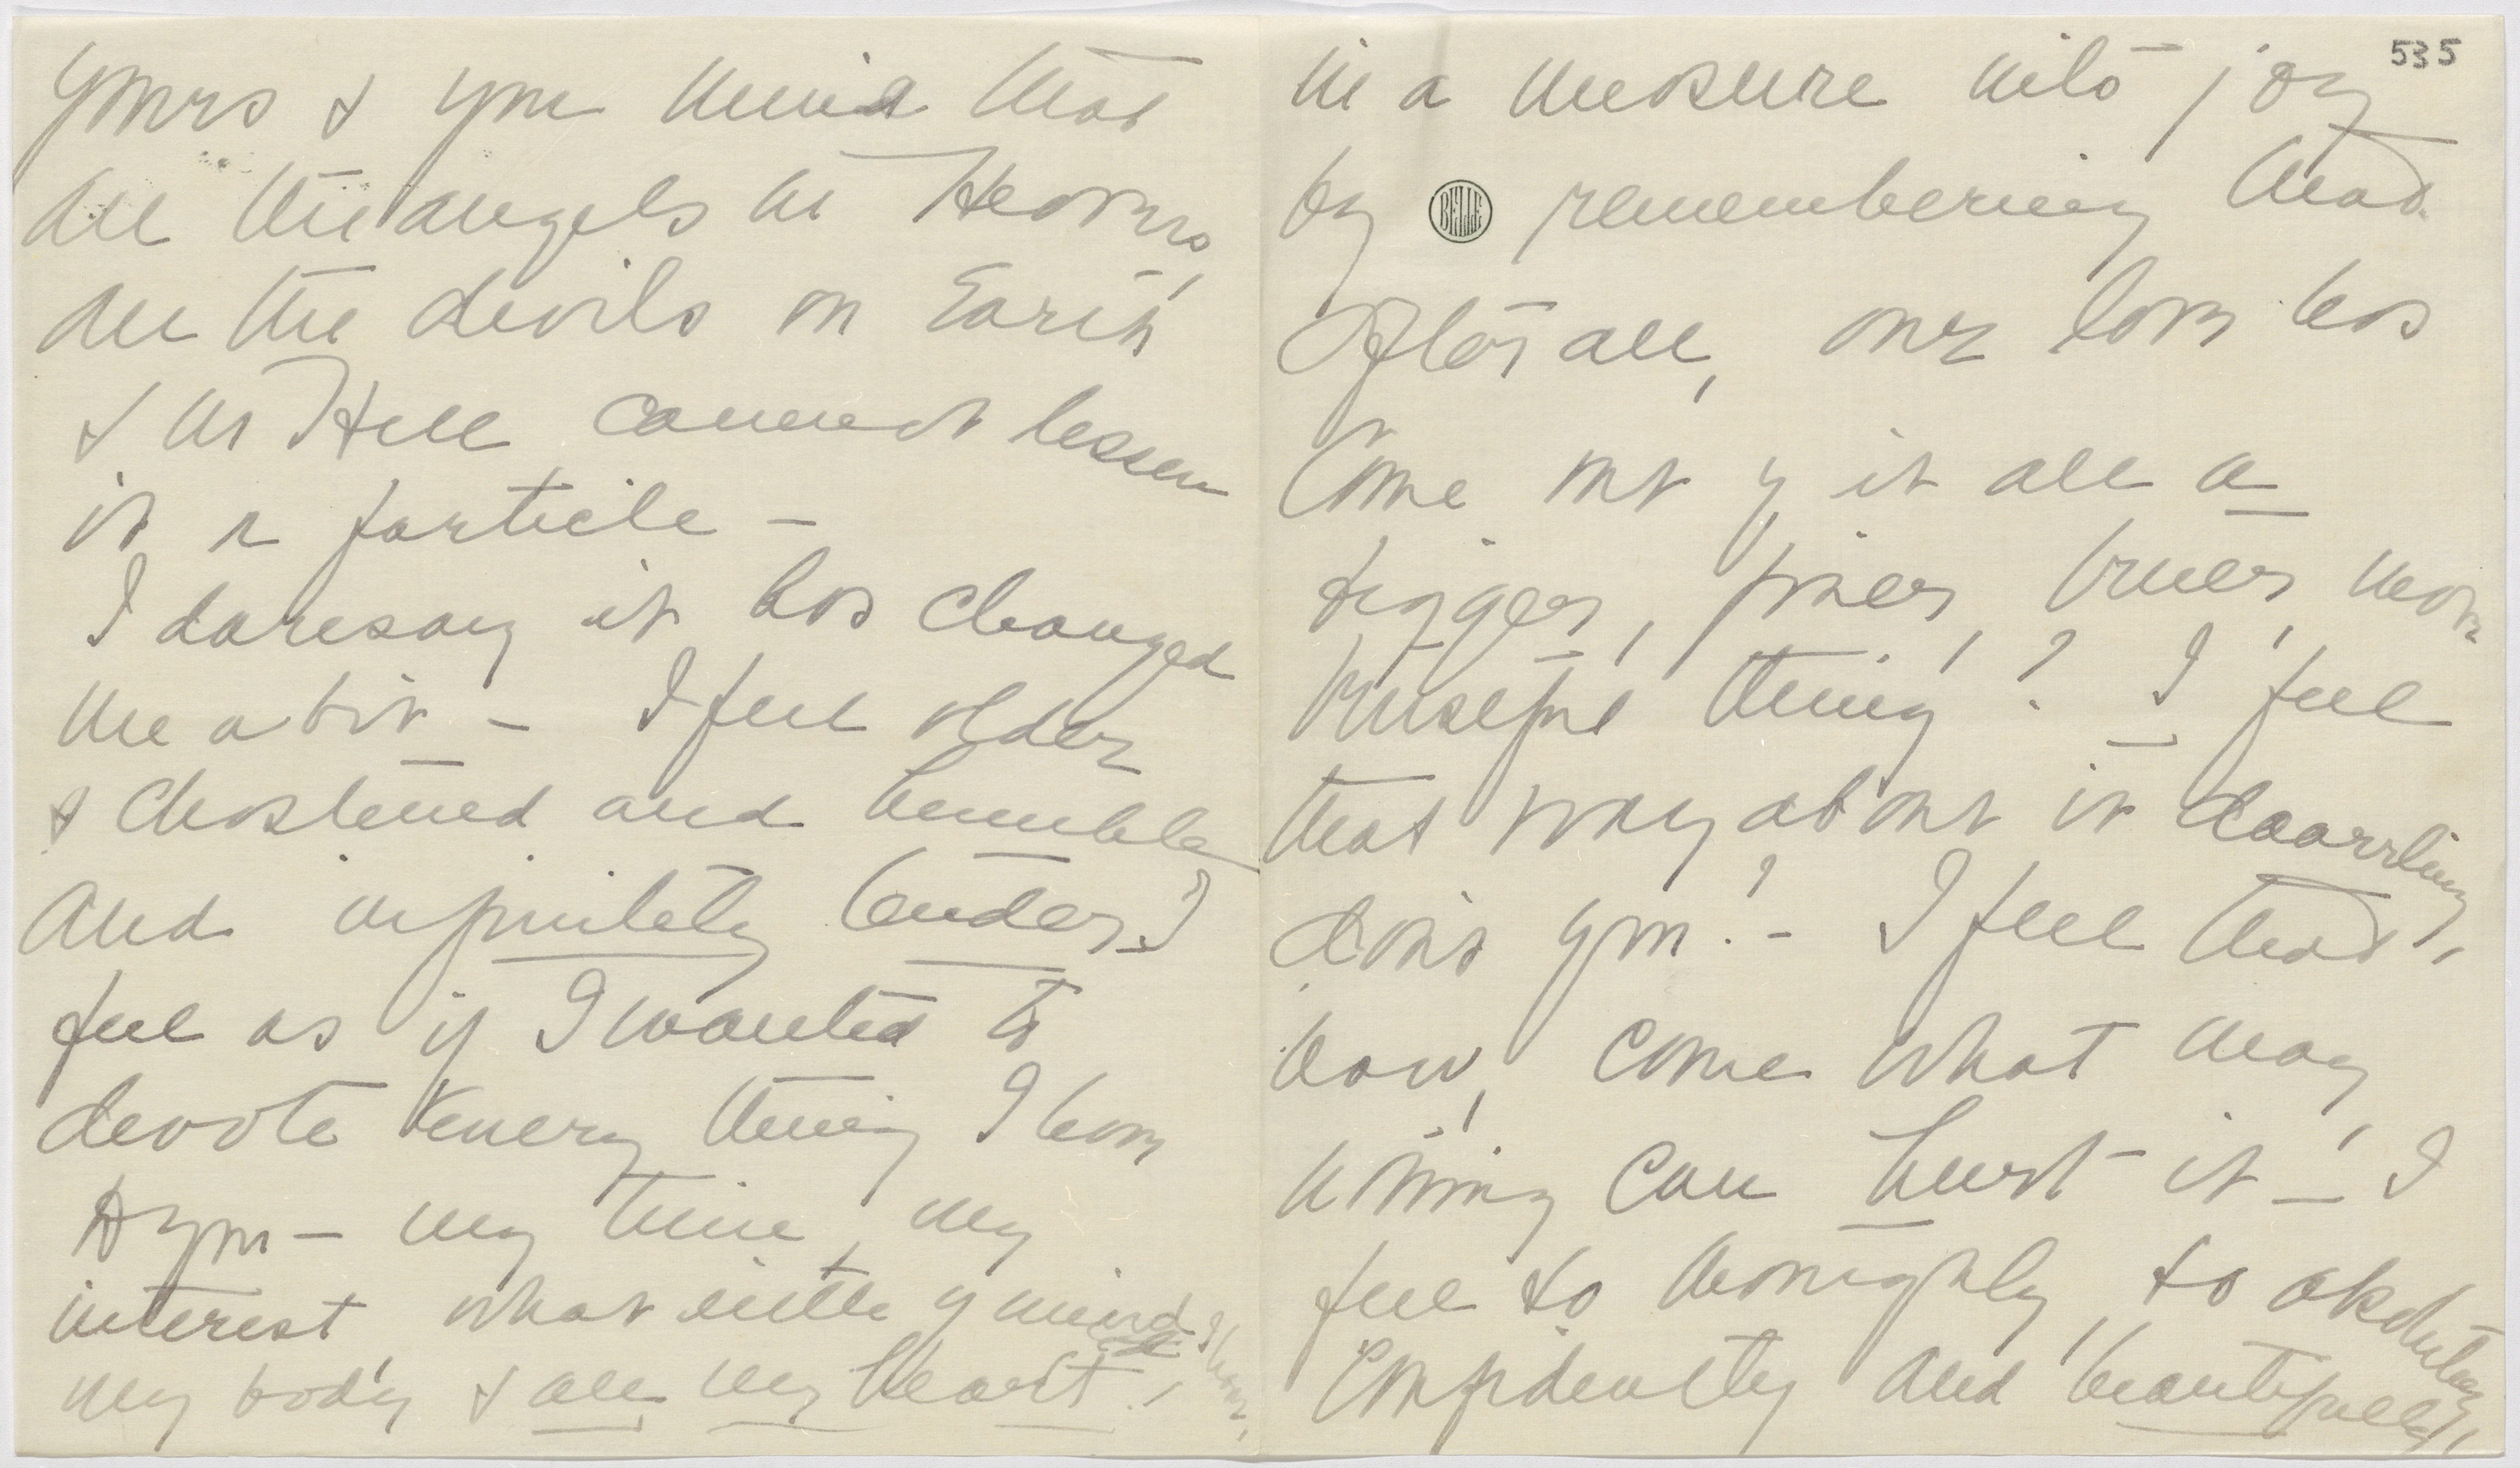in a measure into joy by remembering that after all, our love has come out of it all a bigger, finer, truer, more trustful thing? I feel that way about it daarrling, don’t you? – I feel that now, come what may, nothing can hurt it – I feel so thourghly [sic], so absolutely, confidently and beautifully
yours & you mine that all the angels in Heaven, all the devils on Earth & in Hell cannot lessen it a particle –
I daresay it has changed me a bit – I feel older & chastened and humble and infinitely tender. I feel as if I wanted to devote every thing I have to you – my time, my interest, what little of mind I have, my body & all my heart!